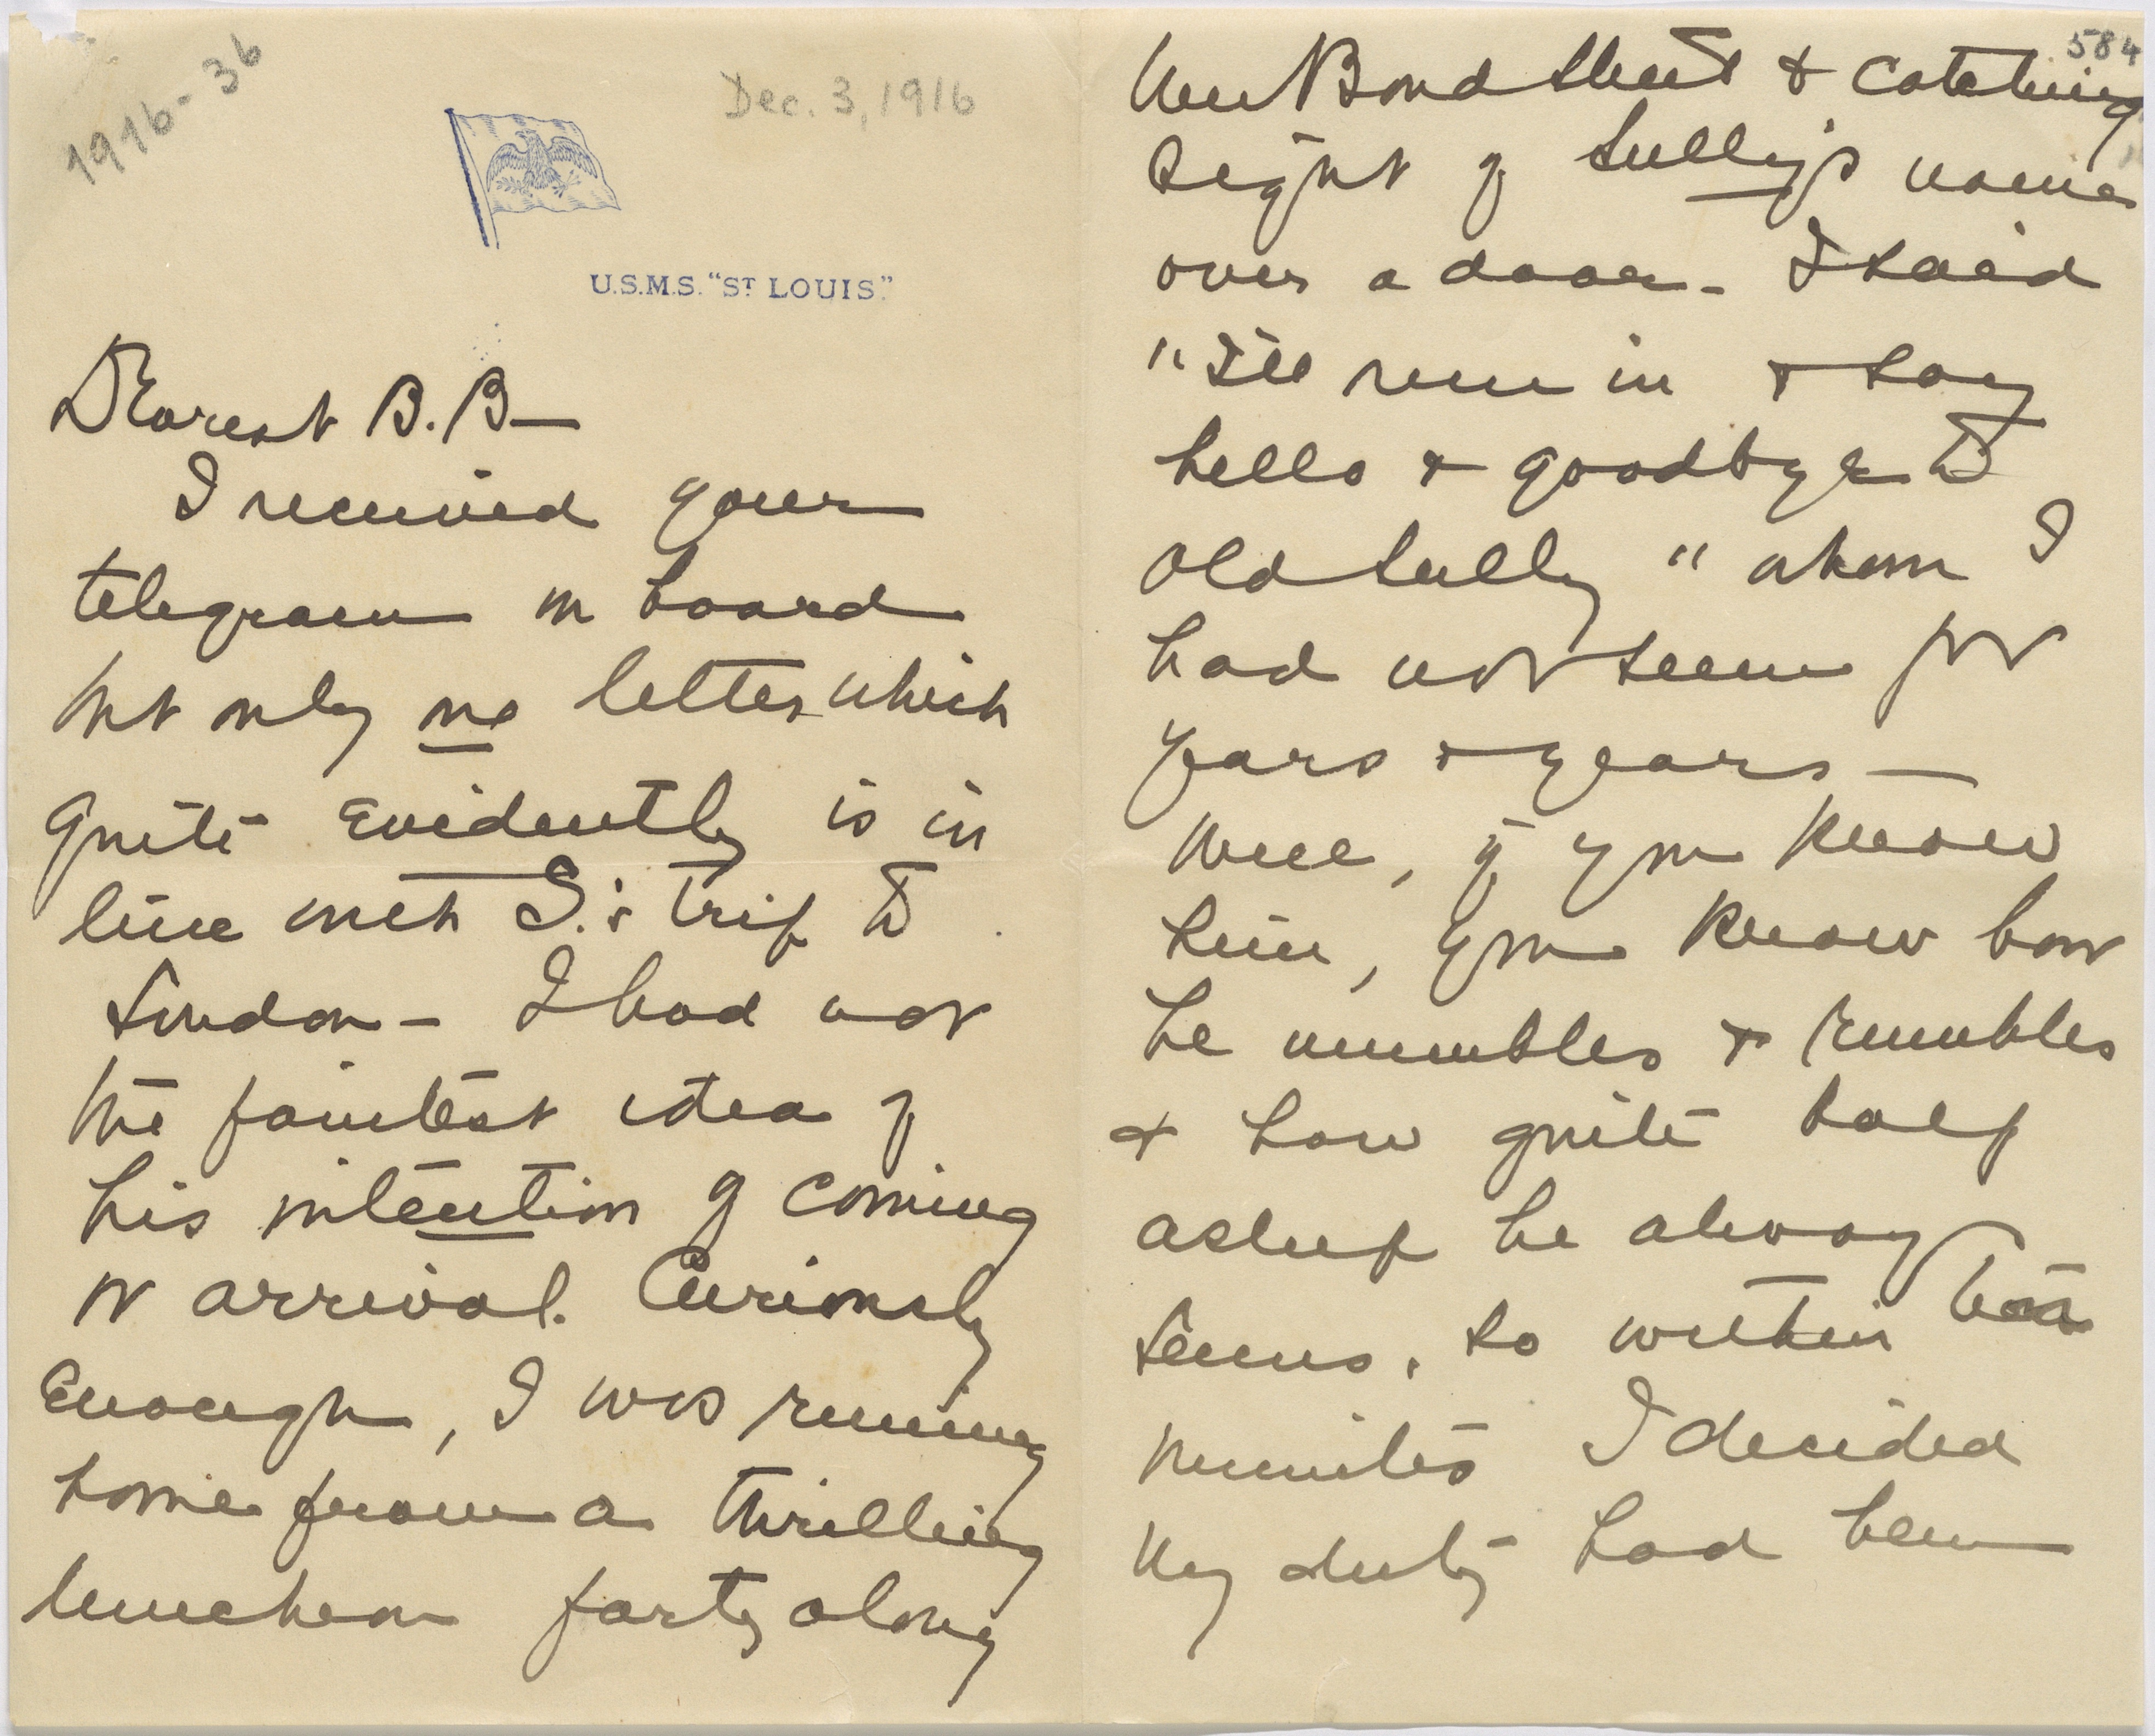Dearest B.B –
I received your telegram on board but only one letter which quite evidently is in line with S.’s trip to London – I had not the faintest idea of his intention of coming or arrival. Curiously enough, I was running home from a thrilling luncheon party along
New Bond Street & catching sight of Sully’s name over a door – I said “I’ll run in & say hello & goodbye to old Sully” whom I had not seen for years & years – Well, if you know him, you know how he mumbles & rumbles & how quite half asleep he always seems, so within ten minutes I decided my duty had been